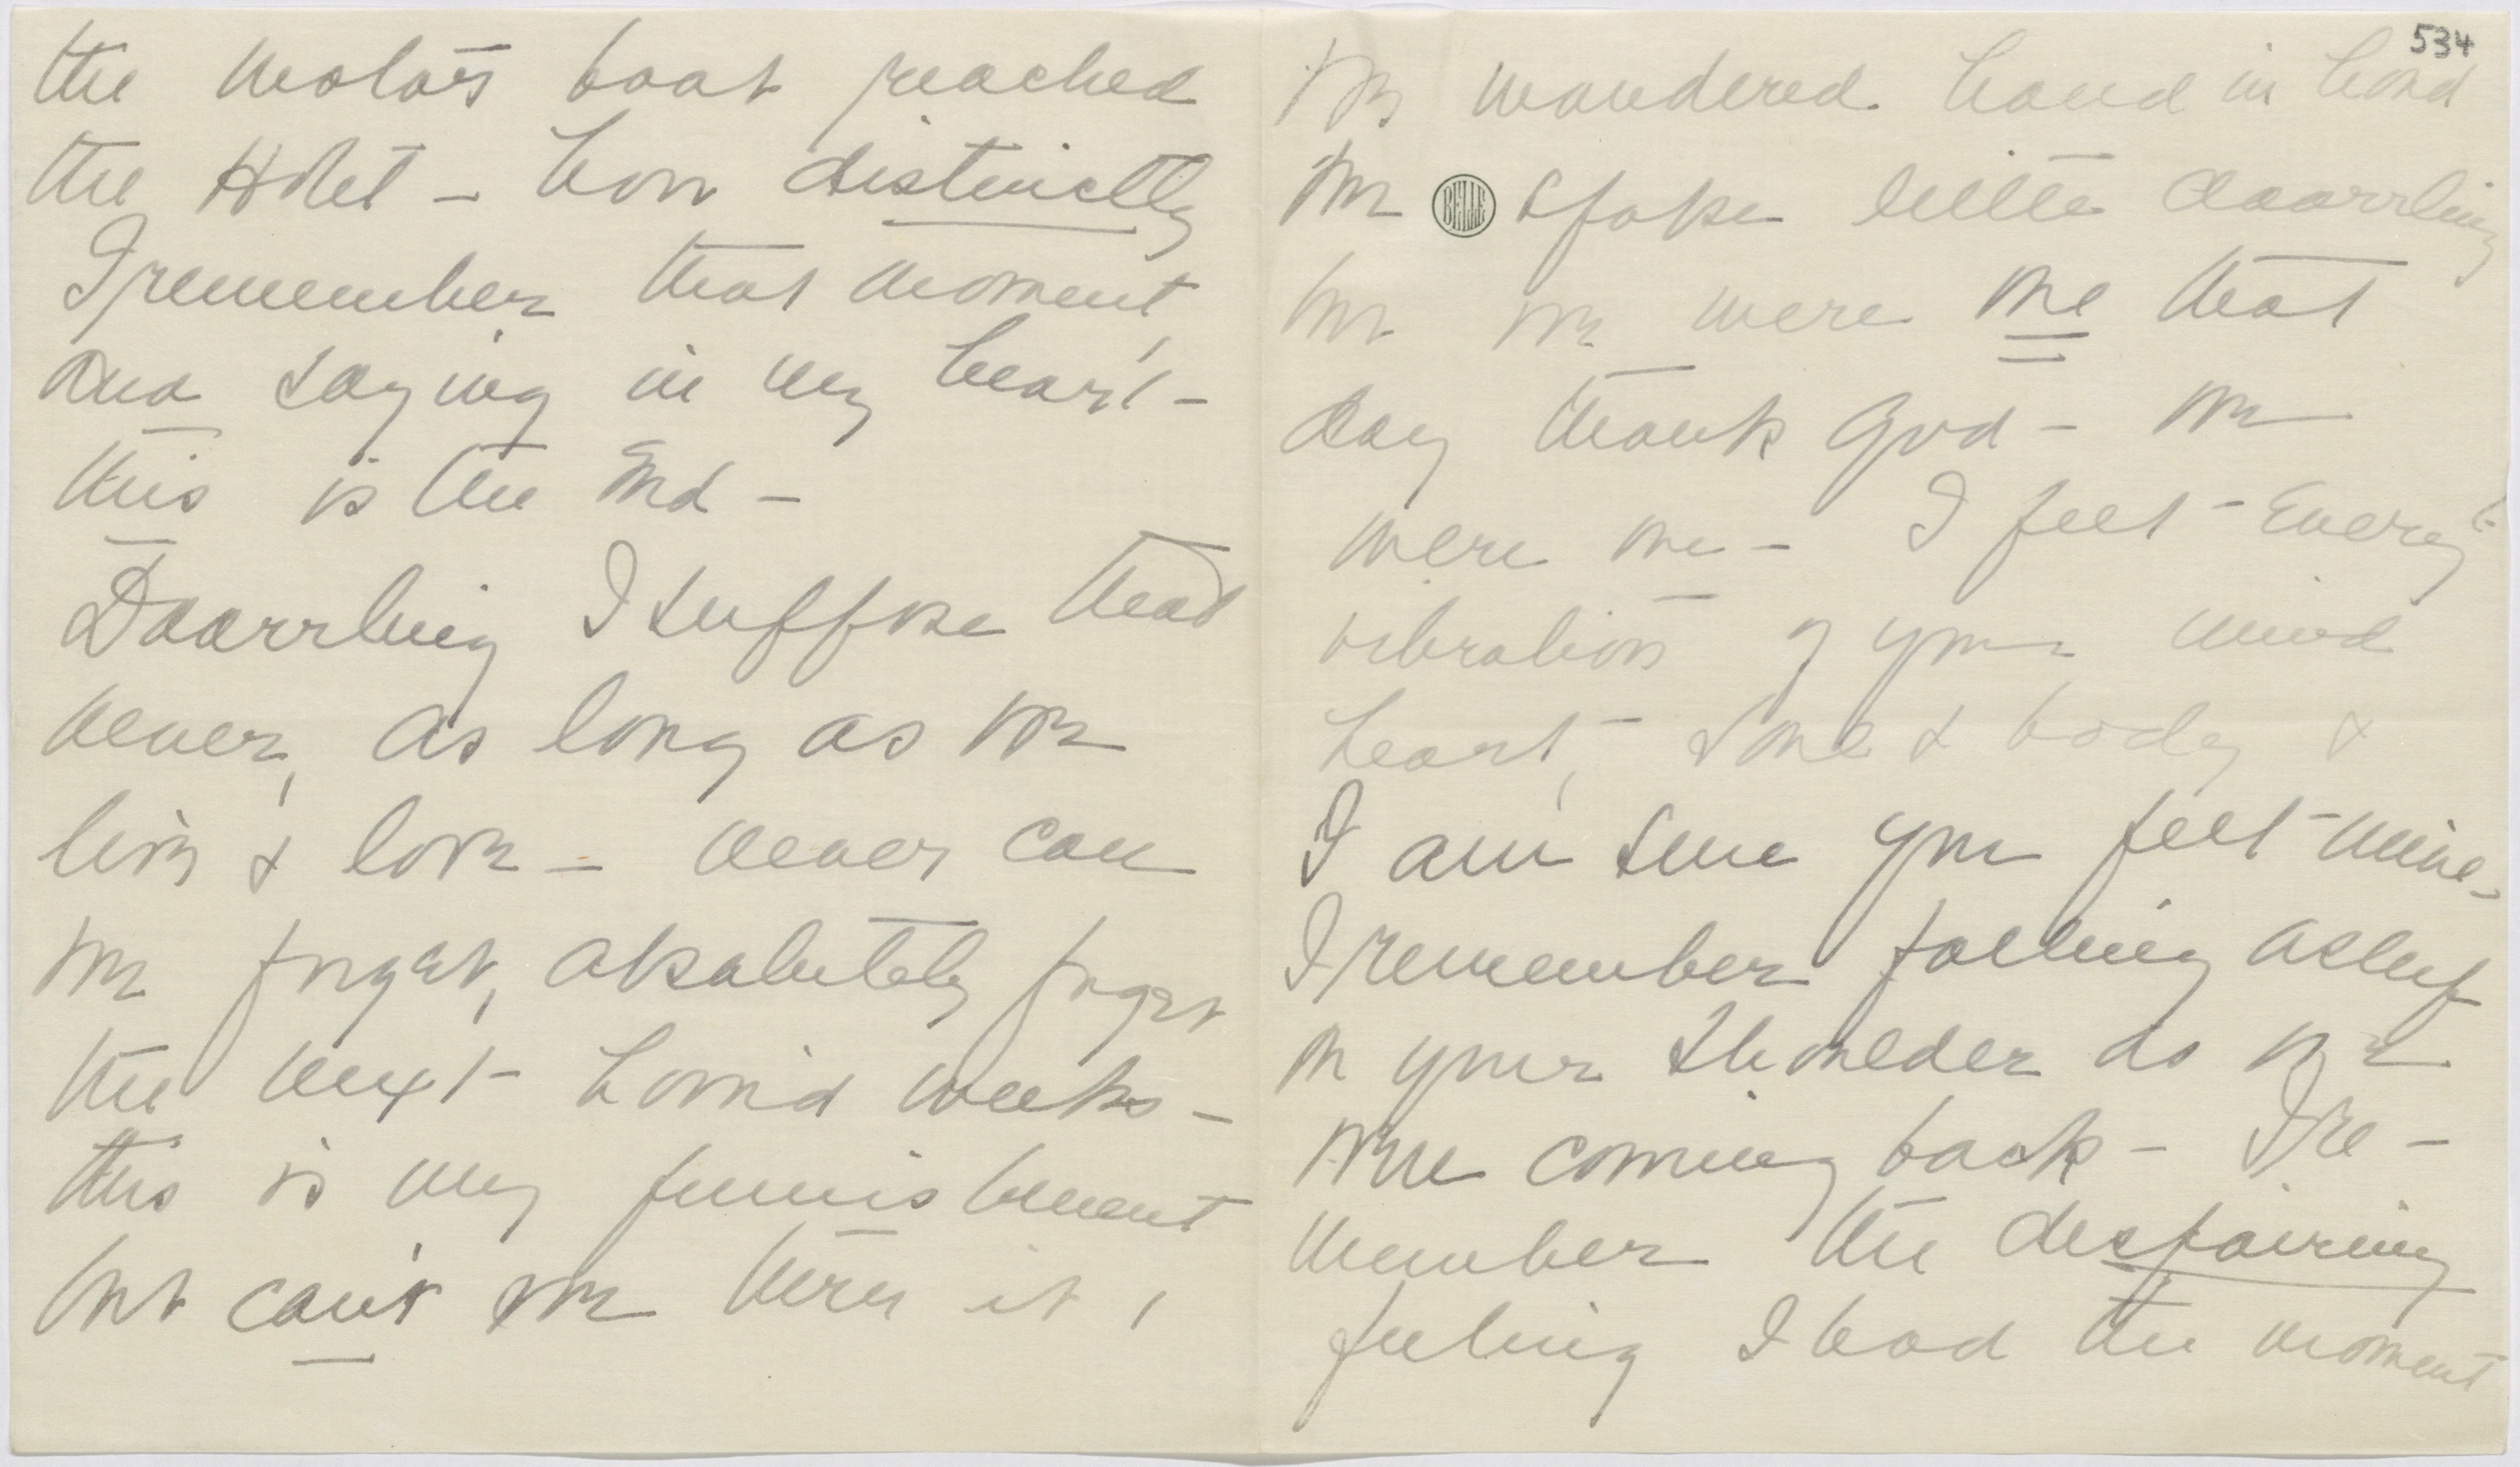we wandered hand in hand[.] We spoke little daarrling but we were [double underlined: one] that day thank God – we were one – I felt every vibration of your mind heart, soul & body & I am sure you felt mine – I remember falling asleep on your shoulder as we were coming back – I remember the despairing feeling I had the moment
the motor boat reached the Hotel – how distinctly I remember that moment, and saying in my heart this is the end –
Daarrling I suppose that never as long as we live & love – never can we forget, absolutely forget the next horrid weeks – this is my fumis vivent [?] but can’t we turn it,